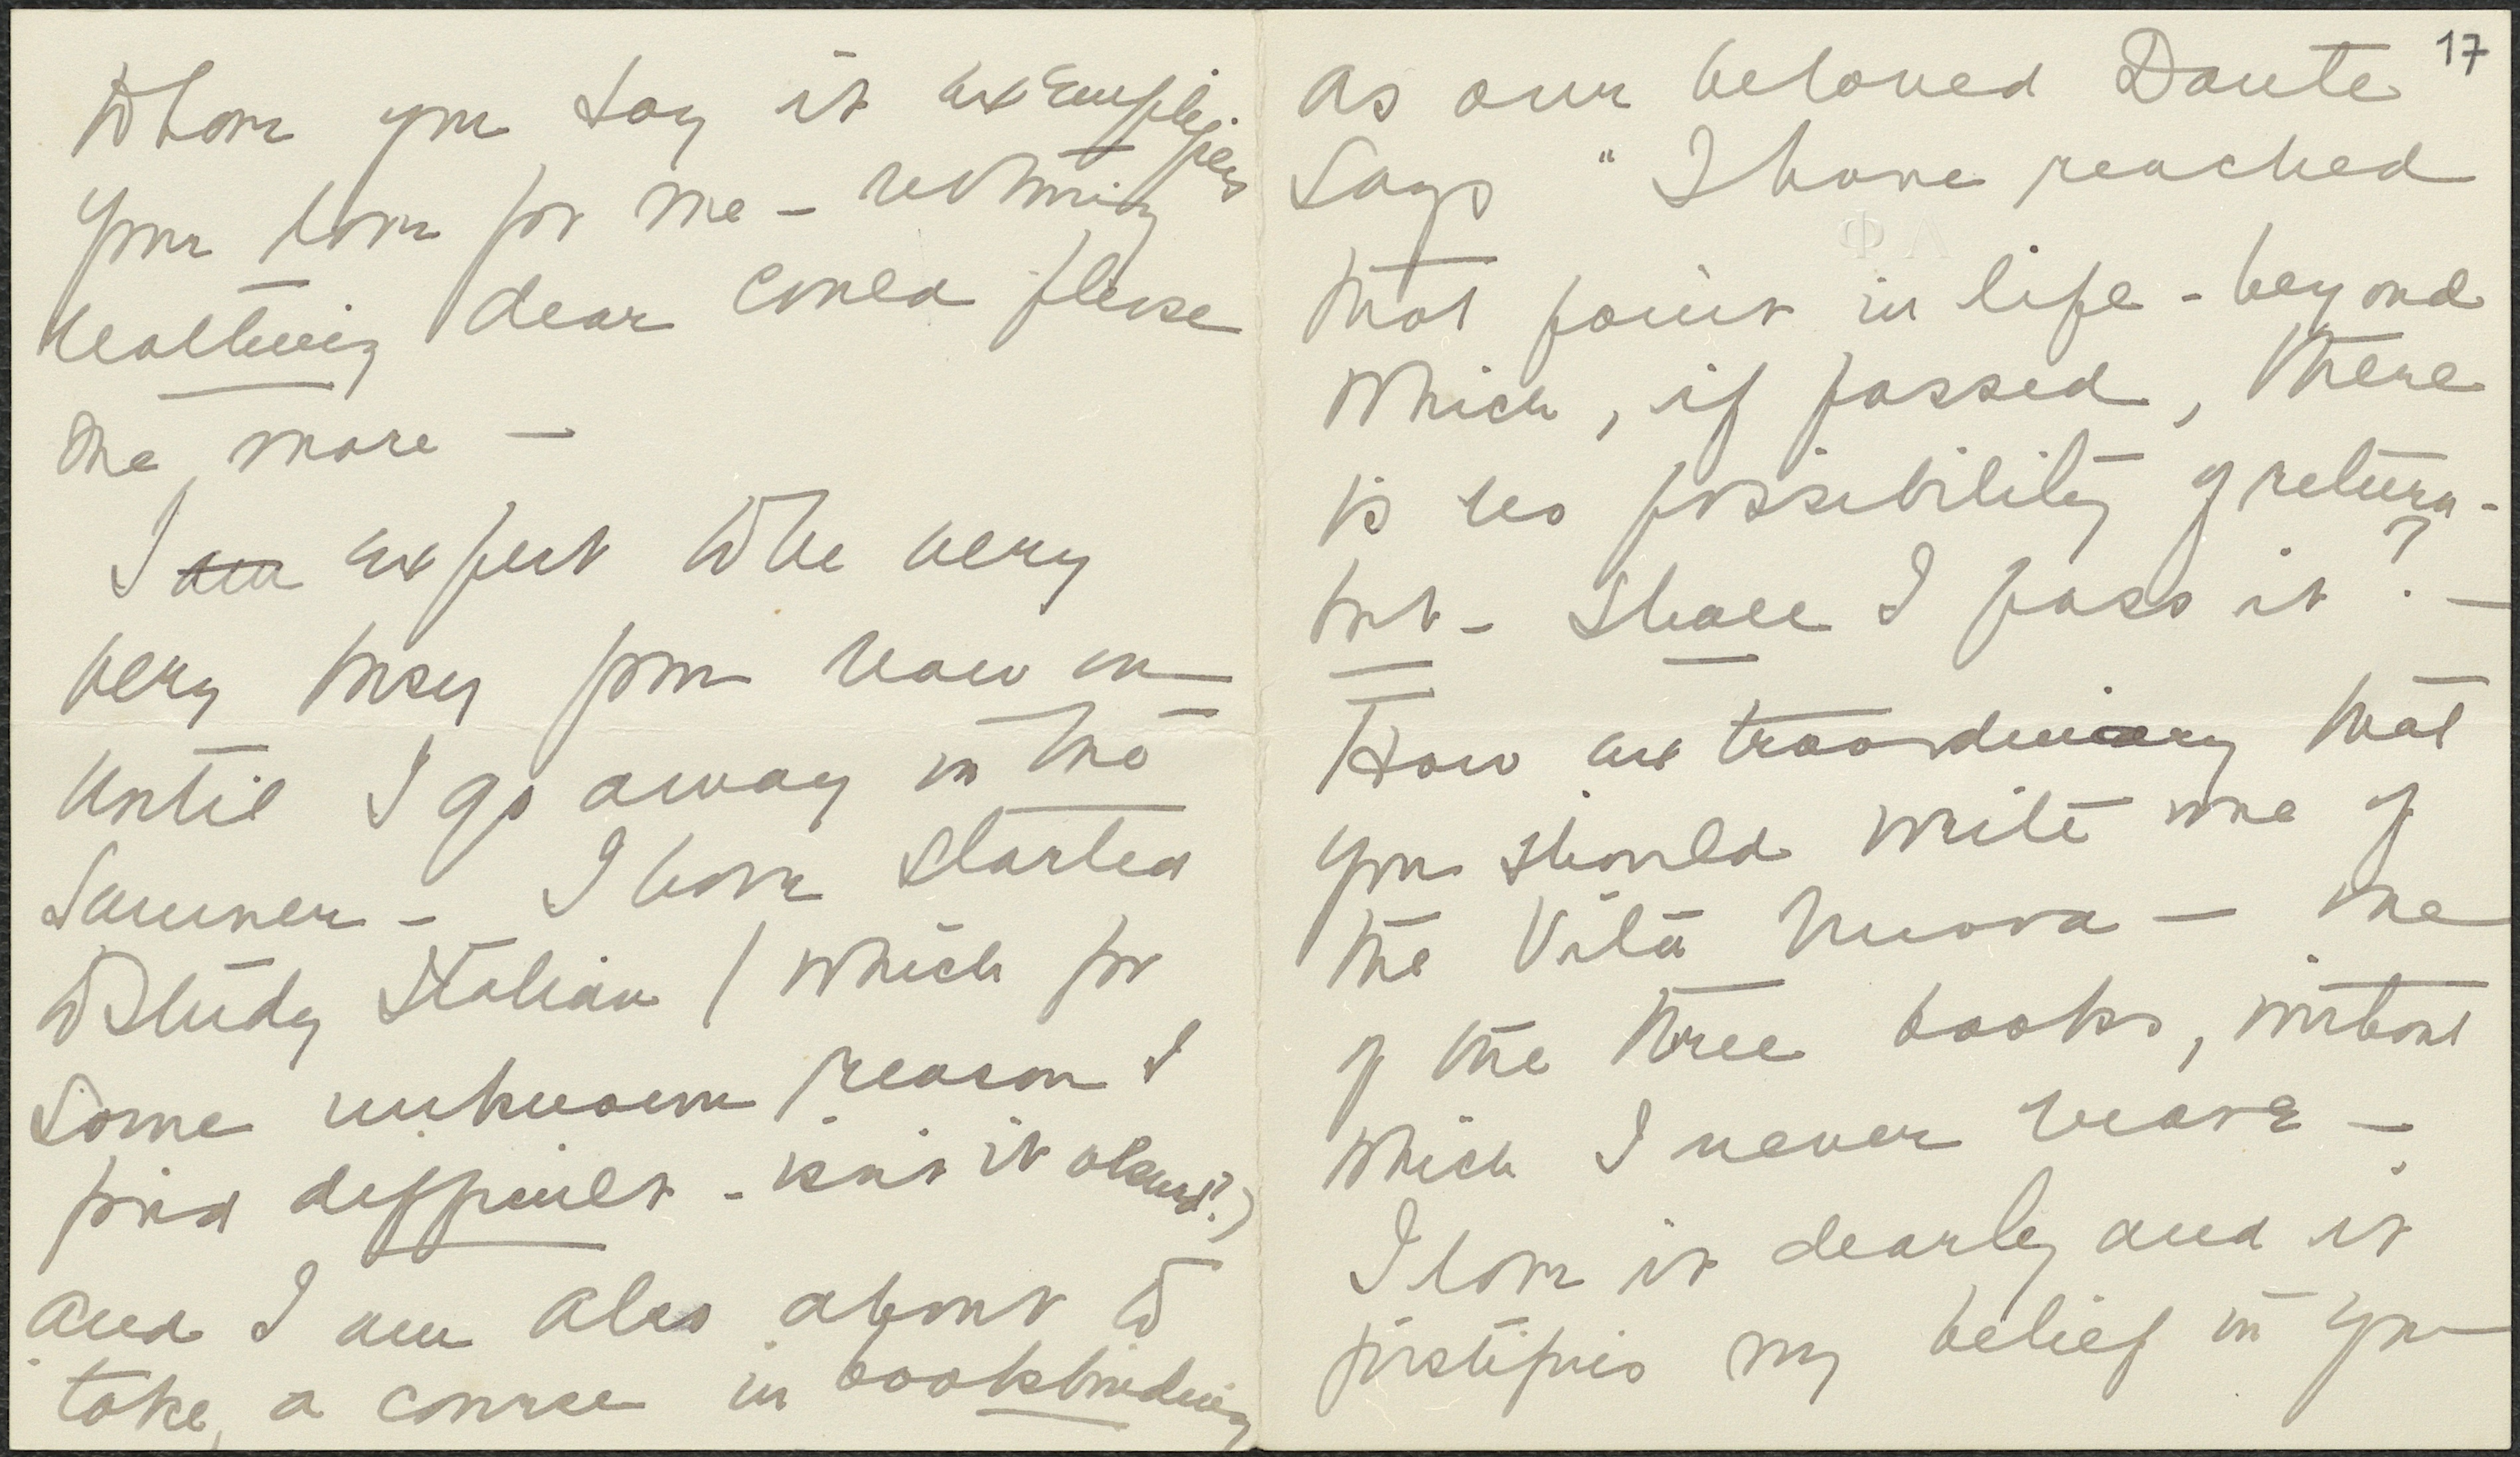as our beloved Dante says “I have reached that point in life – beyond which, if passed, there is no possibility of return – [double underlined: but] – shall I pass it? – How extraordinary that you should write me of the Vita Nuova – one of the three books, without which I never leave [?] – I love it dearly and it justifies my belief in you
to have you say it exemplifies your love for me – nothing nothing dear could please me more –
I am expect to be very very busy from now on until I go away in the Summer – I have started to study Italian (which for some unknown reason I find difficult – isn’t it absurd?) and I am also about to take a course in bookbinding